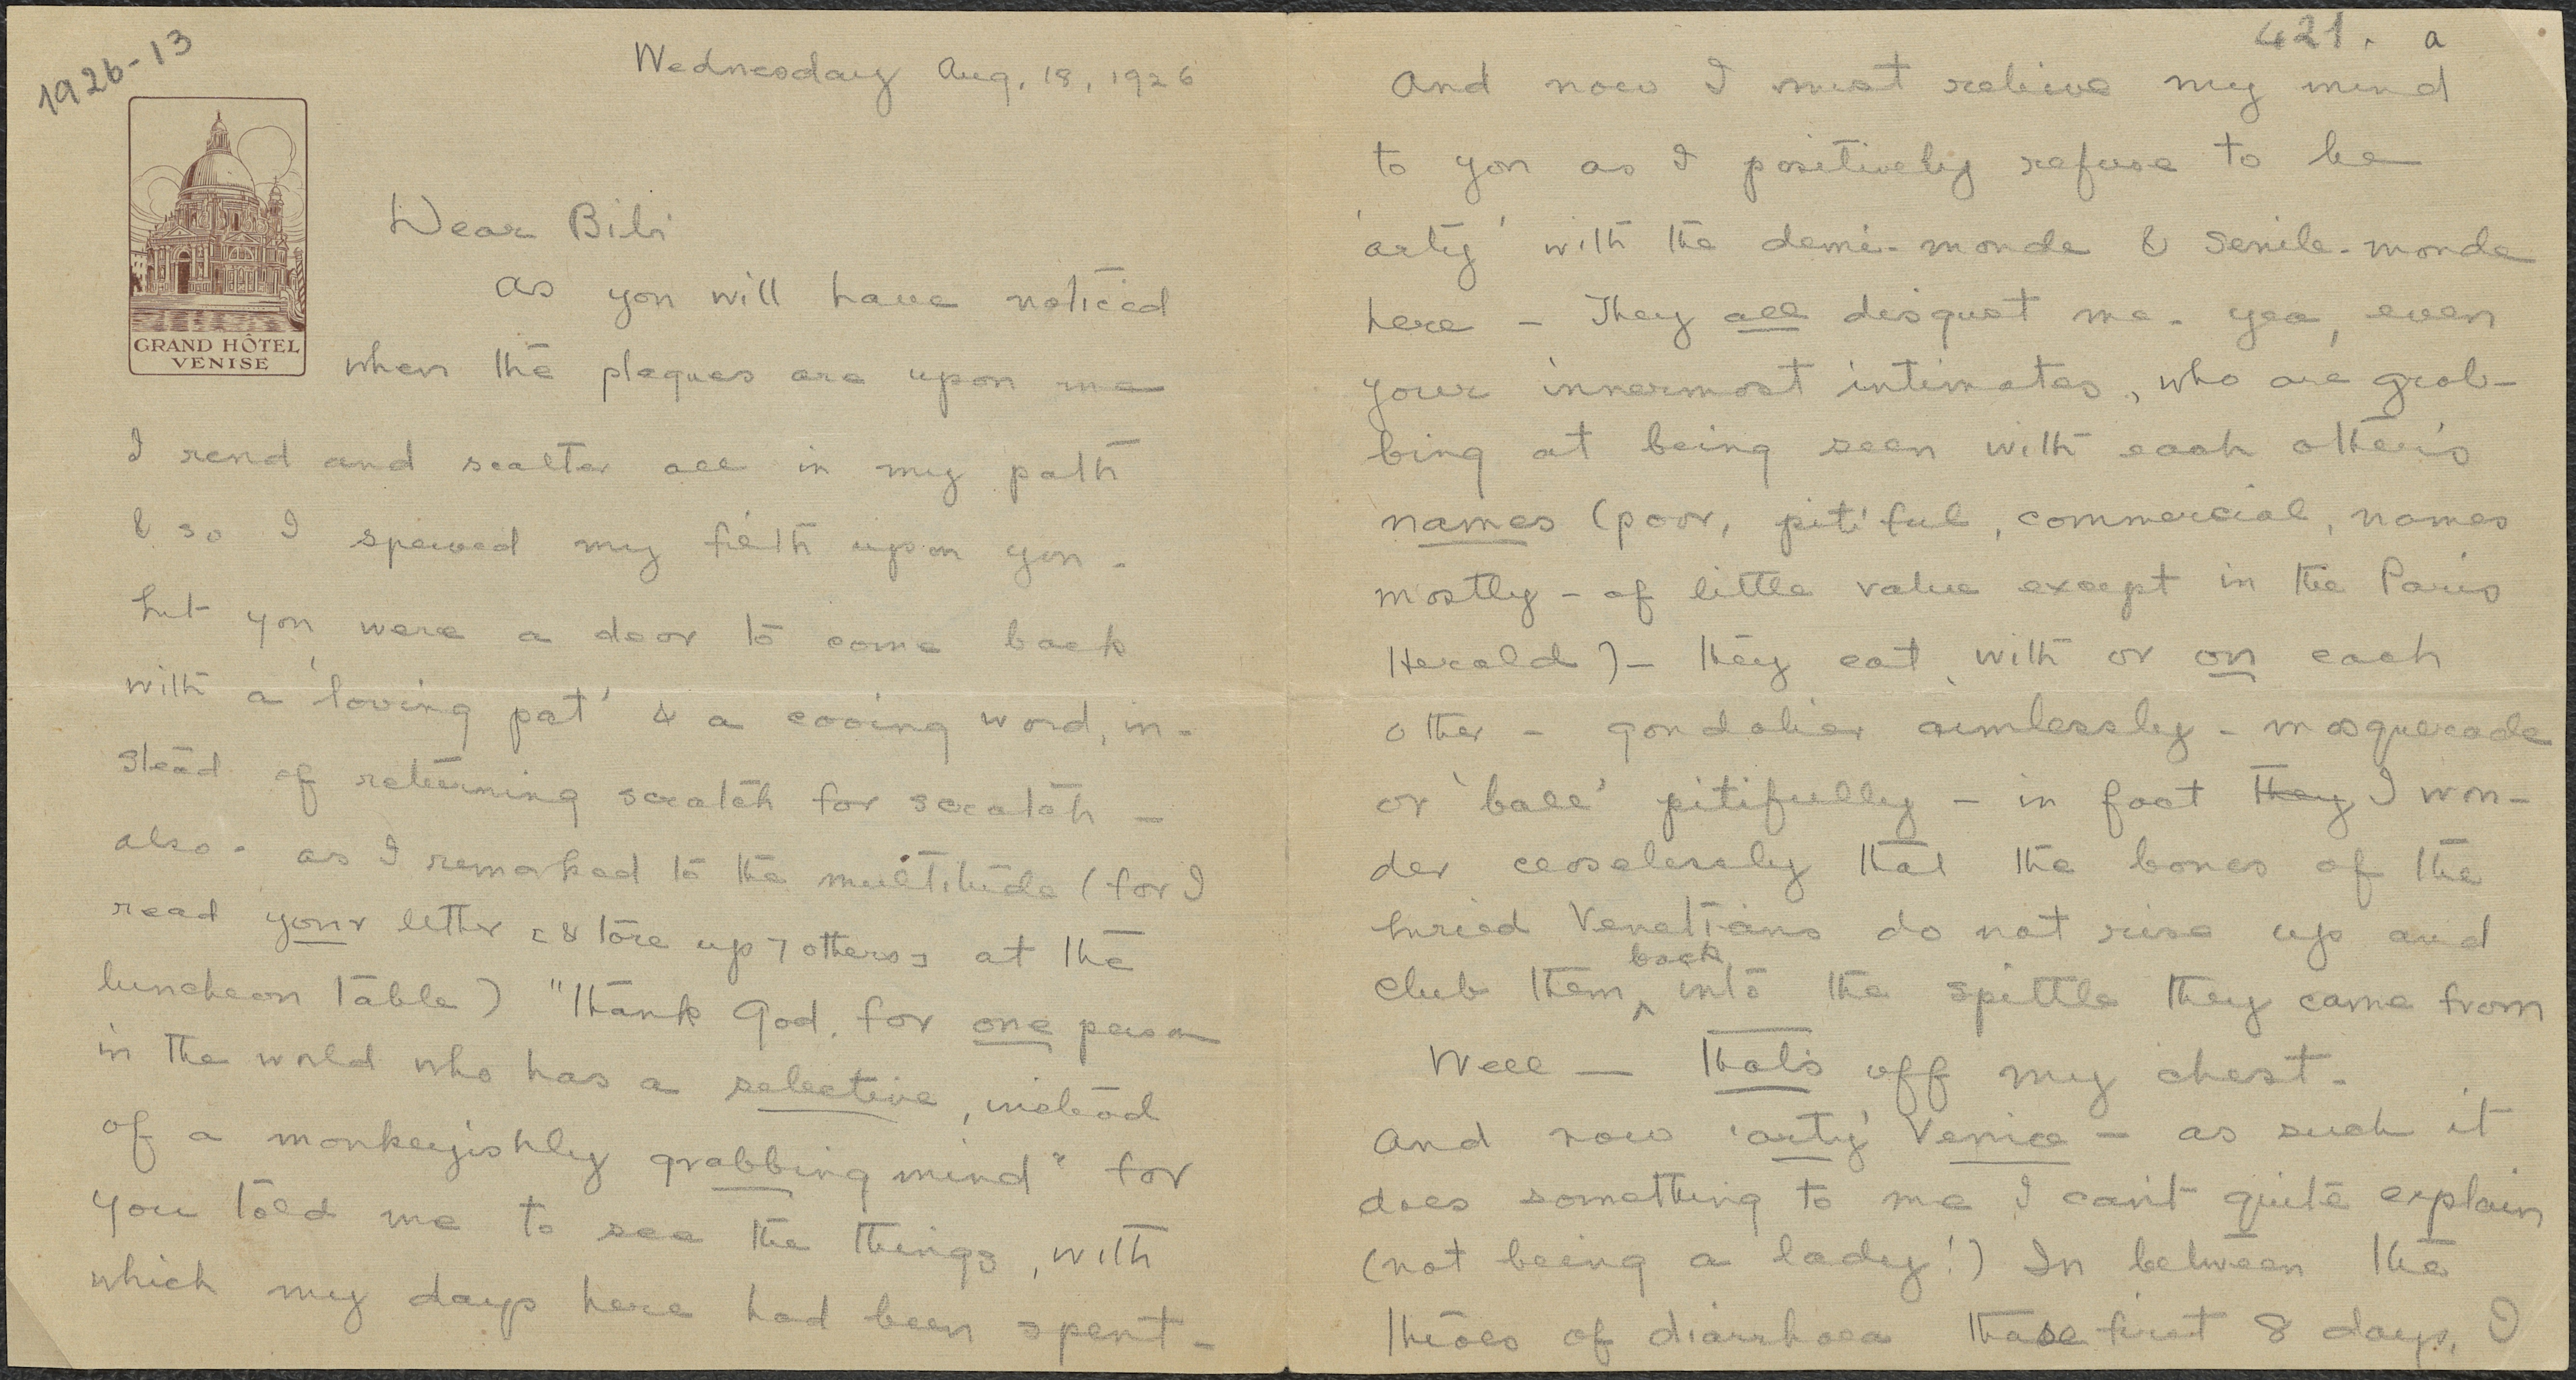Wednesday Aug. 18, 1926
Dear Bibi
As you will have noticed when the plagues are upon me I rend and scatter all in my path & so I spewed my filth upon you – but you were a dear to come back with a ‘loving pat’ & a cooing word, instead of returning scratch for scratch – also – as I remarked to the multitude (for I read your letter [& tore up 7 others] at the luncheon table) “Thank God, for one person in the world who has a selective, instead of a monkeyishly grabbing mind” for you told me to see the things, with which my days here had been spent –
And now I must relieve my mind to you as I positively refuse to be ‘arty’ with the demi-monde & senile-monde here – They all disgust me – yea, even your innermost intimates, who are grabbing at being seen with each other’s names (poor, pit’ful, commercial, names mostly – of little value except in the Paris Herald) – they eat with or on each other – gondolier aimlessly – masquerade or ‘ball’ pitifully – in fact they I wonder ceaselessly that the bones of the buried Venetians do not rise up and club them [^back^] into the spittle they came from
Well – that’s off my chest. And now ‘arty’ Venice – as such it does something to me I can’t quite explain (not being a lady!) In between the throes of diarrhaea [sic] those first 8 days, I